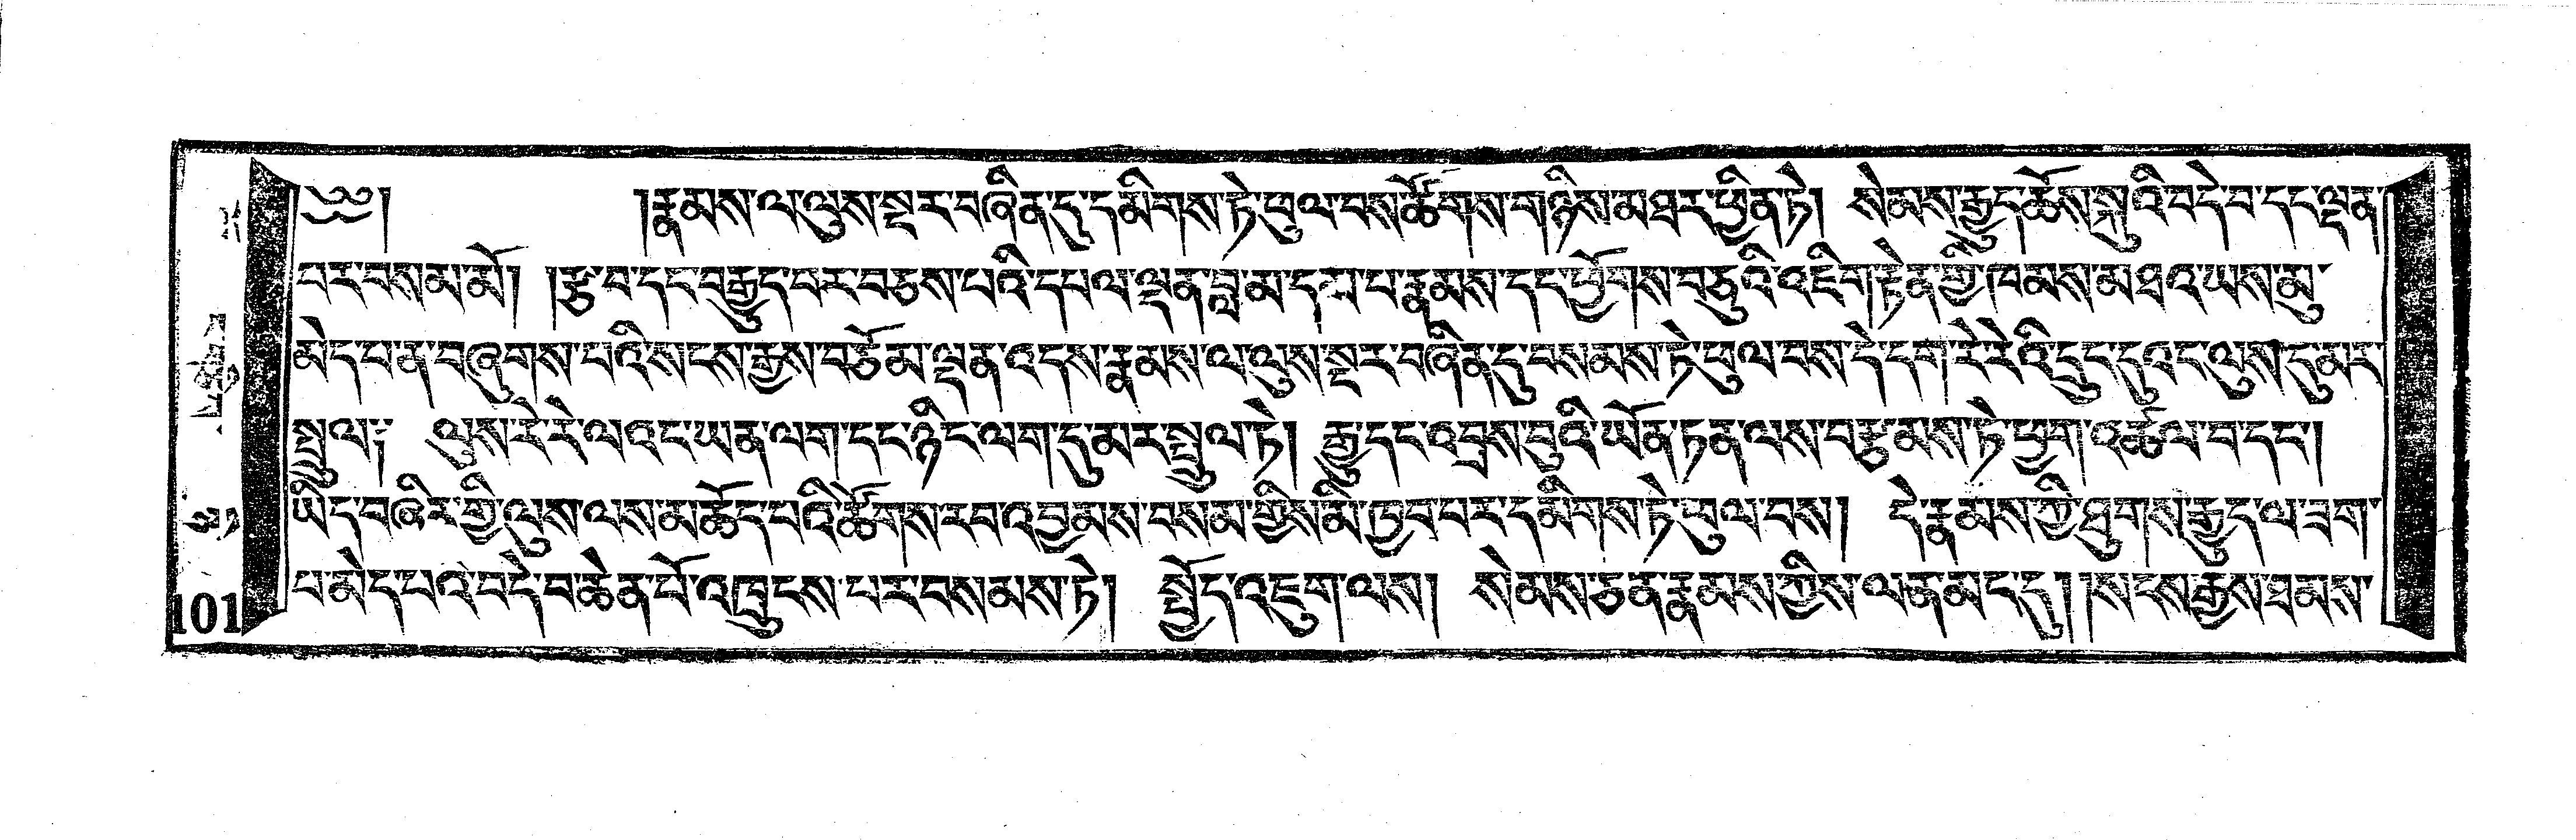༄༅། །རྣམས་ལ་ལུས་སྔར་བཞིན་དུ་དམིགས་ཏེ་ཕུལ་བས་ཚོགས་གཉིས་མཐར་ཕྱིན་ཏེ། སེམས་རྒྱུད་ཆོས་སྐུའི་བདེ་བ་དང་ལྡན་
པར་བསམ་མོ། །རྩ་བ་དང་བརྒྱུད་པར་བཅས་པའི་དཔལ་ལྡན་བླ་མ་དམ་པ་རྣམས་དང་ཕྱོགས་བཅུའི་འཇིག་རྟེན་གྱི་ཁམས་མཐའ་ཡས་མུ་
མེད་པ་ན་བཞུགས་པའི་སངས་རྒྱས་བཅོམ་ལྡན་འདས་རྣམས་ལ་ལུས་སྔར་བཞིན་དུ་བསམས་ཏེ་ཕུལ་བས་དེ་དག་རེ་རེའི་དྲུང་དུའང་ལུས་དུ་མར་
སྤྲུལ༑ ལུས་རེ་རེ་ལའང་ཡན་ལག་དང་ཉིང་ལག་དུ་མར་སྤྲུལ་ཏེ། རྒྱུ་དང་འབྲས་བུའི་ཡོན་ཏན་ལས་བརྩམས་ཏེ་ཕྱག་འཚལ་བ་དང་།
ཡིད་བཞིན་གྱི་ལུས་ལས་མཆོད་པའི་ཚོགས་རབ་འབྱམས་བསམ་གྱིས་མི་ཁྱབ་པར་དམིགས་ཏེ་ཕུལ་བས། དེ་རྣམས་ཀྱི་ཐུགས་རྒྱུད་ལ་ཟག་
པ་མེད་པའི་བདེ་བ་ཆེན་པོ་འཁྲུངས་པར་བསམས་ཏེ། སྤྱོད་འཇུག་ལས། སེམས་ཅན་རྣམས་ཀྱིས་ལན་མང་དུ། །སངས་རྒྱས་ཐམས་